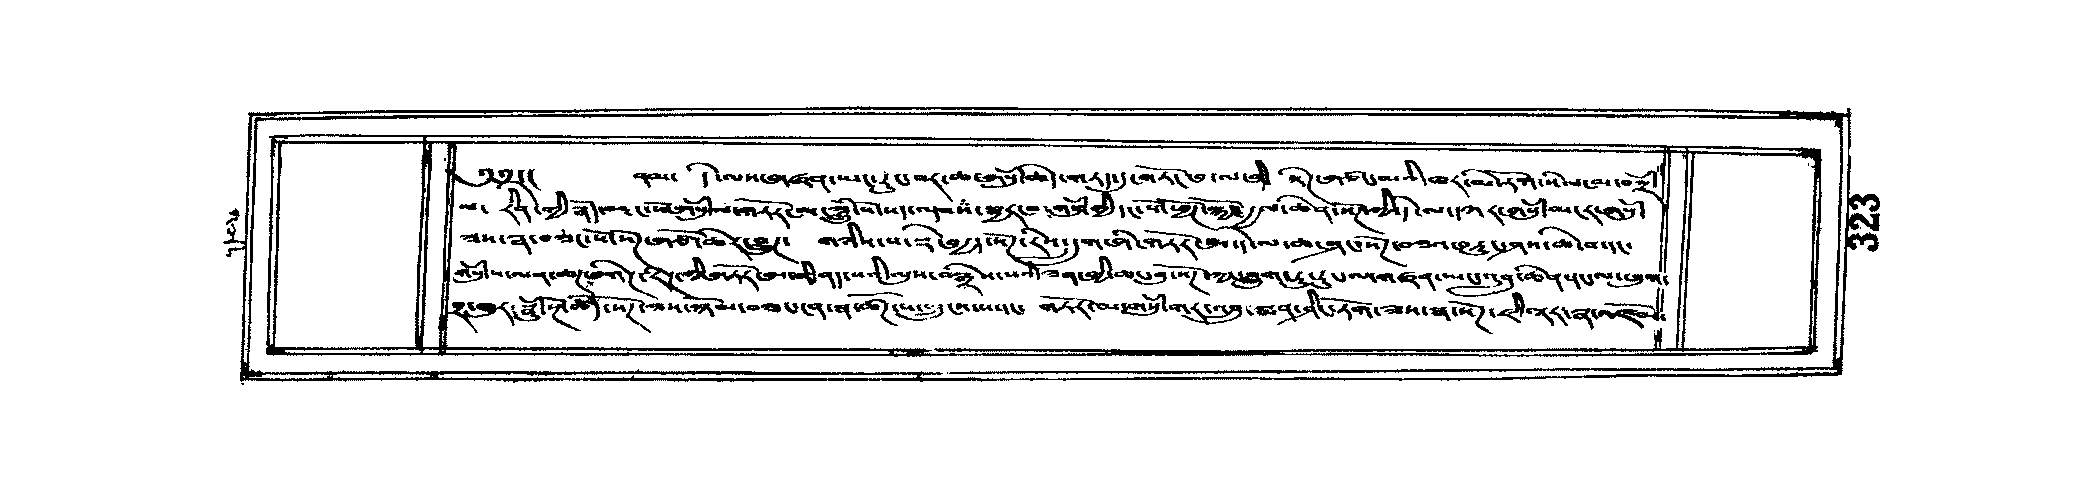ནམ། དེ་ལས་གཞན་ཡང་རུང་བར་ཆ་གསུམ་ཆེད་གཏད་དུ་གཏོང་བ་ལ་ནི། སྟེགས་གཙང་མའི་ཁར་མེ་ཏོག་སིལ་མ་བཀྲམ་
ལ། རིན་ཆེན་གྱི་སྣོད་བཟང་པོ་གསུམ་ལ་གཏོར་མ་ཟླུམ་པོ་པད་འདབ་སྦྱར་བ་གསུམ་གྱི་དབང་པོ་ཕྱོགས་སྐྱོང་རྒྱལ་ཆེན་སོགས་ཀྱི་དེ་ལ་དཀར་གསུམ་མངར་གསུམ་
ཟས་སྣ་བཟང་པོ་སོགས་གཙོ་ཆེར་བླུགས། གཉིས་པ་བདེ་བརྒྱད་སོགས་རིགས་དྲུག་གི་གཏོར་མ་དེ་ལ་ཆ་ཤང་སོགས་བཟ་བཏུང་ཤས་ཆེ་བ་དང། 
གསུམ་པ་ལན་ཆགས་བགེགས་རིགས་ཀྱི་གཏོར་མ་ནི་ནད་པའི་ལུས་བསྒྲེས་པའི་ཟན་གྱི་ཆང་བུ་སོགས་ཀྱང་བླུག་ཏུ་རུང་ལ་གཞན་ཡང་འབྲུ་ཆེན་དང་ལ་ཕུག་
བྲ་ཁུར་སྣུམ་སྔོ་ཚོད་སོགས་ཟས་སྐོམ་བཟང་ངན་སྣ་ཚོགས་པ་སྤུངས་པ་དང་། གཏོར་མ་གསུམ་ཀར་འབྲུ་སྨན་ཤིང་ཏོག་ཟས་སྣ་སོགས་ཇི་ལྟར་སྣ་འཛོམ་